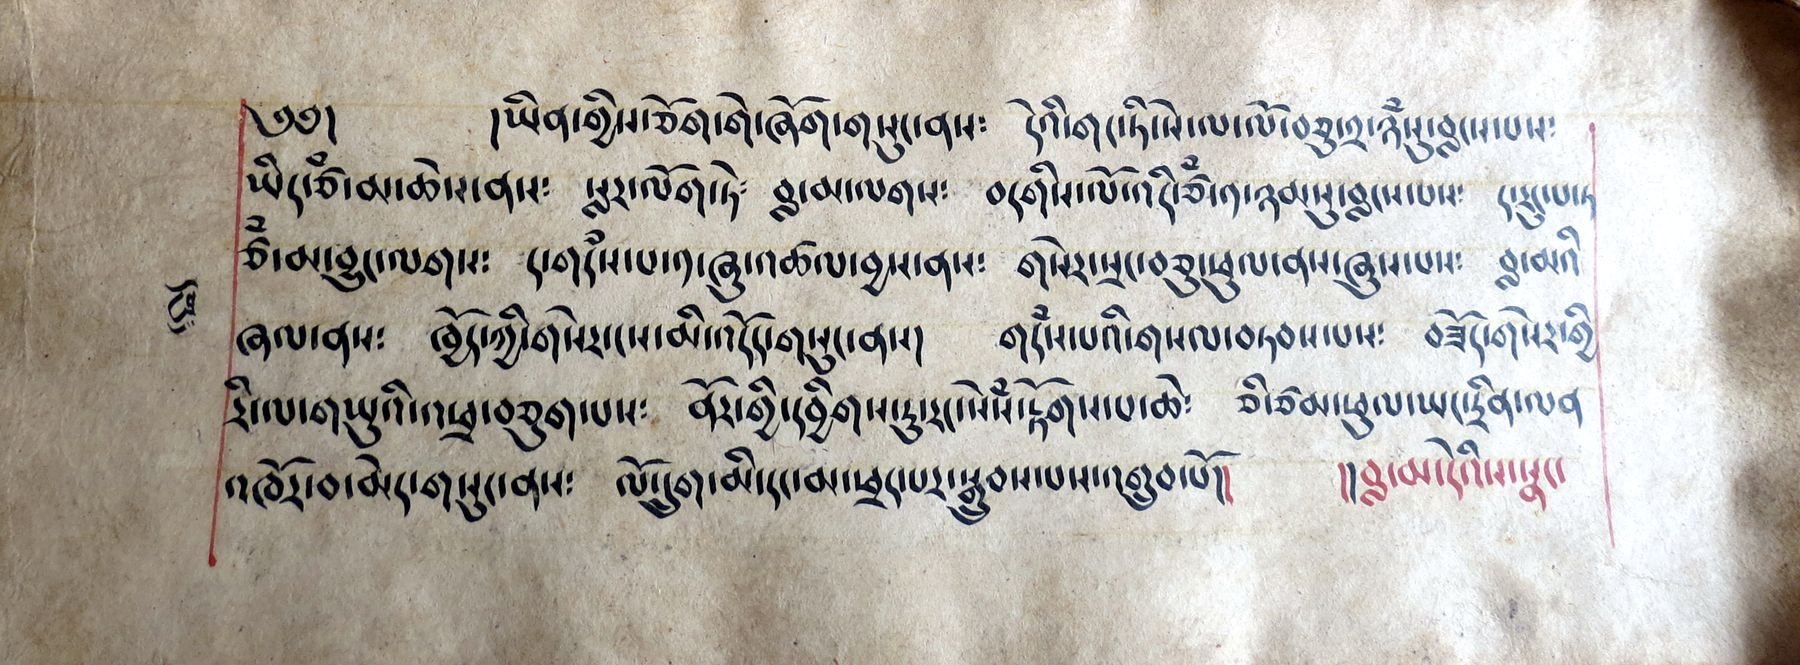ཡིན་གྱིས་ཅོག་གེ་ཞོག གསུངས་ནས། དེས་གངས་ཏི་སེ་ལ་ལོ་བཅུ་གཉིས་ཉམས་སུ་བླངས་པས། 
ཡིད་ཙམ་མ་ཆེས་ནས་སླར་ལོག་སྟེ། ཁྱུང་པོ་ལེགས་མགོན་ལ་ཞུས་པས། བླ་མ་ལགས། བདག་གིས་ལོ་འདི་ཙམ་ཞིག་ཉམས་སུ་བླངས་པས། ད་རུང་པ་ཏ་
ཙམ་མ་བྱུང་ལགས། ད་གདམས་པ་ཞིག་ཞུ་འཚལ་བྱས་ནས། གསེར་སྲང་བཅུ་ཕུལ་ནས་ཞུས་པས། བླ་མའི་
ཞལ་ནས། ཁྱོད་ཀྱི་གསེར་ངས་མི་འདོད་ཀྱི་གསུངས་ནས། ༼གསེར་ནམ་མཁའ་ལ་གཏོར་ནས་གཞན་ལ་གསལ༽ གདམས་པ་གསལ་གདབ་པས། བཟོད་གསེར་གྱི་
རི་ལ་གཡུའི་ཕྲ་བཅུག་པས། ནོར་གྱི་དབྱིག་ཏུ་རང་སེམས་རྟོགས་པ་ཆེ། ཅི་ཙམ་ཕུལ་ཡང་དྲིན་ལན་
འཁོར་བ་མེད་གསུངས་ནས། ལོ་དྲུག་མི་དང་མ་འཕྲད་པར་བསྒྲུབས་པས་འགྲུབ་བོ །བླ་མ་དེ་ཡིས་སྣང་